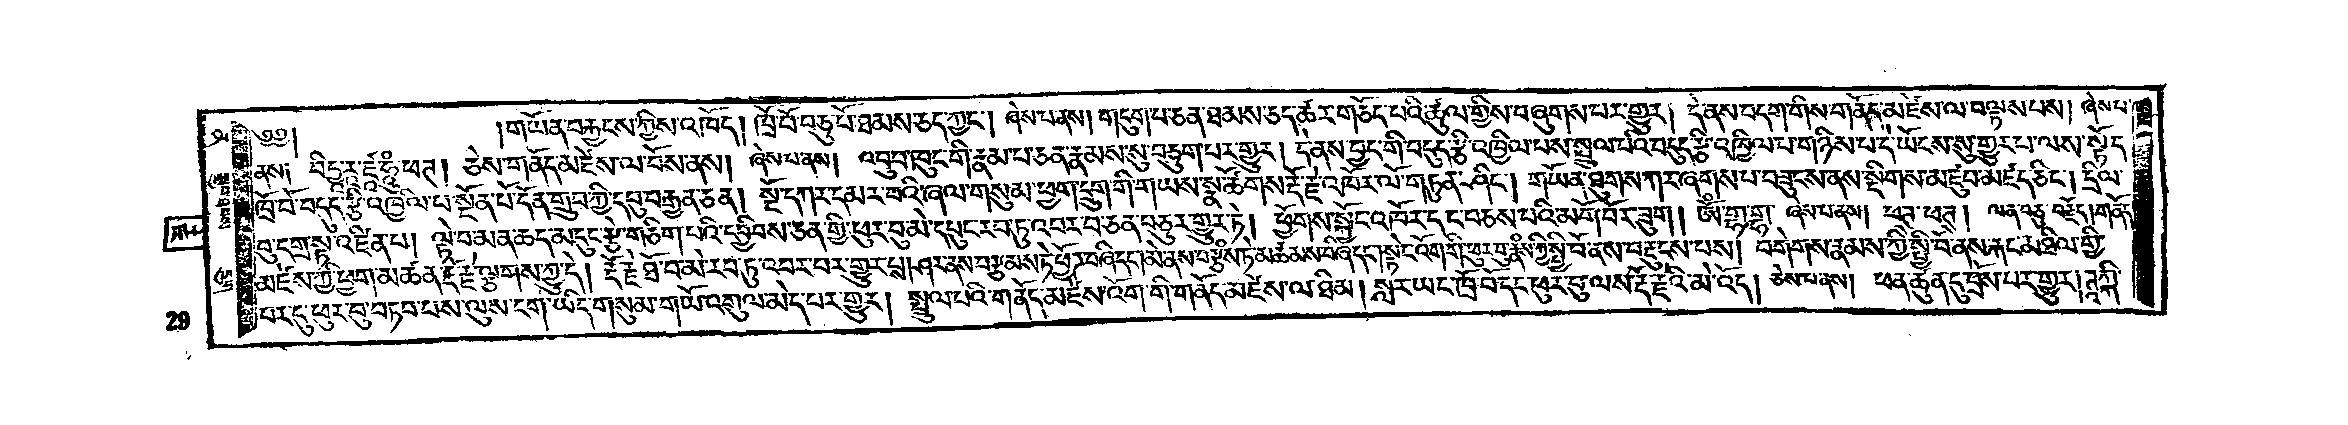༄༅། །གཡོན་བརྐྱངས་ཀྱིས་འཁོད། ཁྲོ་བོ་བཅུ་པོ་ཐམས་ཅད་ཀྱང་། ཞེས་པ་ནས།  གདུག་པ་ཅན་ཐམས་ཅད་ཚར་གཅོད་པའི་ཚུལ་གྱིས་བཞུགས་པར་གྱུར། དེ་ནས་བདག་གིས་གནོད་མཛེས་ལ་བལྟས་པས། ཞེས་པ་
ནས། བིདྱཱ་རཱ་ཛཱ་ཧཱུཾ་ཕཊ། ཅེས་གནོད་མཛེས་ལ་བོས་ནས། ཞེས་པ་ནས།  འབྲུབ་ཁུང་གི་རྣམ་པ་ཅན་རྣམས་སུ་བཅུག་པར་གྱུར། དེ་ནས་བྱང་གི་བདུད་རྩི་འཁྱིལ་པས་སྤྲུལ་པའི་བདུད་རྩི་འཁྱིལ་པ་གཉིས་པ་དེ་ཡོངས་སུ་གྱུར་པ་ལས་སྟོད་
ཁྲོ་བོ་བདུད་རྩི་འཁྱིལ་པ་སྔོན་པོ་དོན་གྲུབ་ཀྱི་དབུ་བརྒྱན་ཅན། སྔོ་དཀར་དམར་བའི་ཞལ་གསུམ་ཕྱག་དྲུག་གི་གཡས་སྣ་ཚོགས་རྡོ་རྗེ་འཁོར་ལོ་གཏུན་ཤིང་། གཡོན་ཐུགས་ཀར་ཞགས་པ་བཟུངས་ནས་སྡིགས་མཛུབ་མཛད་ཅིང་། དྲིལ་
བུ་དགྲ་སྟེ་འཛིན་པ། ལྟེ་བ་མན་ཆད་མདུང་རྩེ་གཅིག་པའི་དབྱིབས་ཅན་གྱི་ཕུར་བུ་མེ་དཔུང་རབ་ཏུ་འབར་བ་ཅན་བཅུར་གྱུར་ཏེ། ཕྱོགས་སྐྱོང་འཁོར་དང་བཅས་པའི་མགོ་བོར་ཟུག །ཨོཾ་གྷ་གྷ་ཞེས་པ་ནས།  ཕཊ་ཕཊ། ལན་བཅུ་བརྗོད།  གནོད་
མཛེས་ཀྱི་ཕྱག་མཚན་རྡོ་རྗེ་ལྕགས་ཀྱུ་དེ། རྡོ་རྗེ་ཐོ་བ་མེ་རབ་ཏུ་འབར་བར་གྱུར་པས། ཤར་ནས་བརྩམས་ཏེ་ཕྱོགས་བཞི་དང་། མེ་ནས་བརྩམས་ཏེ་མཚམས་བཞི་དང་། སྟེང་འོག་གི་ཕུར་བུ་རྣམས་ཀྱི་སྤྱི་བོ་ནས་བརྡུངས་པས། བགེགས་རྣམས་ཀྱི་སྤྱི་བོ་ནས་རྐང་མཐིལ་གྱི་
བར་དུ་ཕུར་བུ་བཏབ་པས་ལུས་ངག་ཡིད་གསུམ་གཡོ་འགུལ་མེད་པར་གྱུར། སྤྲུལ་པའི་གནོད་མཛེས་འོག་གི་གནོད་མཛེས་ལ་ཐིམ། སླར་ཡང་ཁྲོ་བོ་དང་ཕུར་བུ་ལས་རྡོ་རྗེའི་མེ་འོད། ཅེས་པ་ནས།  ཕན་ཚུན་དུ་ཕྲོས་པར་གྱུར། ཊཱཀྐ་